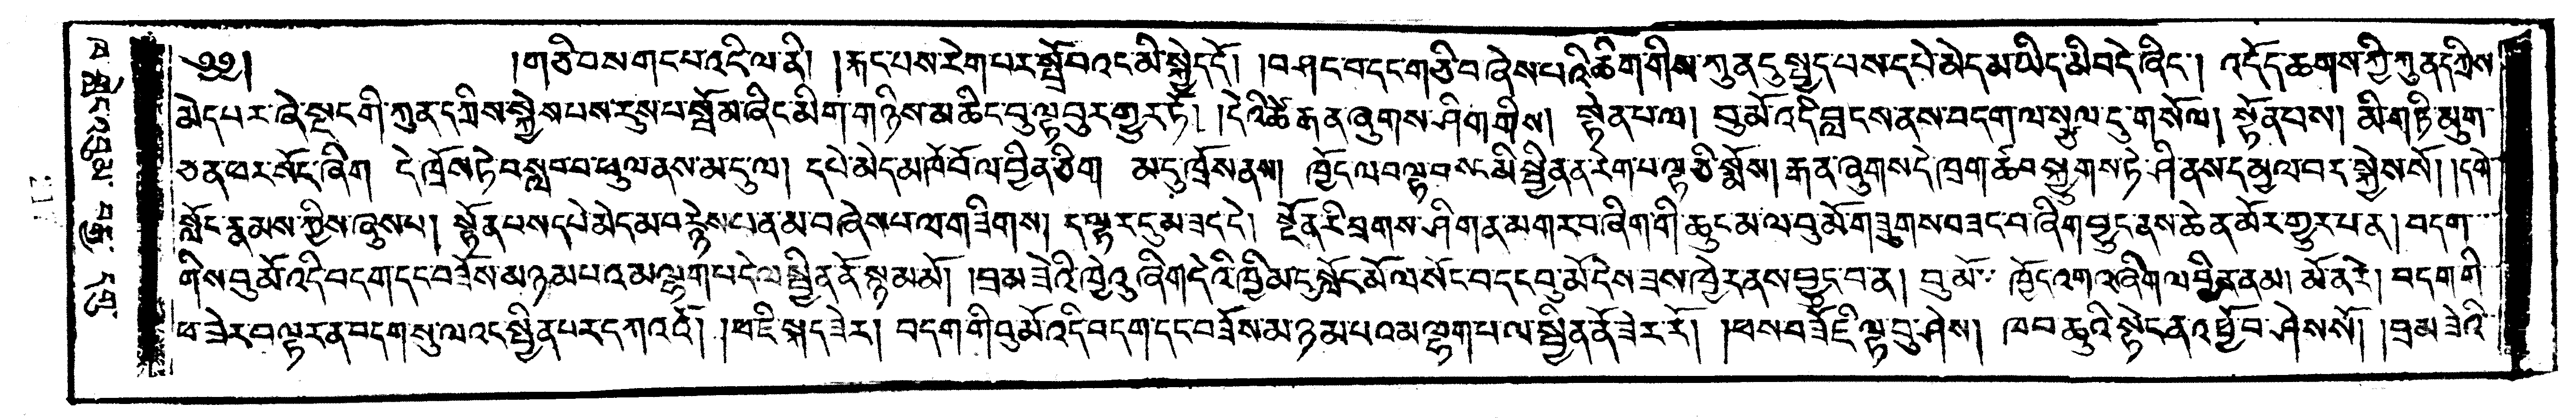༄༅། །གཅི་བས་གང་པ་འདི་ལ་ནི། །རྐང་པས་རེག་པར་སྤྲོ་བའང་མི་སྐྱེད་དོ། །བཤད་བ་དང་གཅི་བཞེས་པའི་ཆིག་གིས་ཀུན་དུ་སྤྱད་པས་དཔེ་མེད་མ་ཡིད་མི་བདེ་ཞིང་། འདོད་ཆགས་ཀྱི་ཀུན་དཀྲིས་
མེད་པར་ཞེ་སྡང་གི་ཀུན་དཀྲིས་སྐྱེས་པས་རུས་པ་སྦོམ་ཞིང་མིག་གཉིས་མཆིང་བུ་ལྟ་བུར་གྱུར་ཏོ། །དེའི་ཚེ་རྒན་ཞུགས་ཤིག་གིས། སྟེན་པ་ལ། བུ་མོ་འདི་བླངས་ནས་བདག་ལ་སྩལ་དུ་གསོལ། སྟོན་པས། མི་གཏི་མུག་
ཅན་ཕར་སོང་ཞིག་དེ་ཁྲོས་ཏེ་བསླབ་བ་ཕུལ་ནས་མ་དུ་ལ། དཔེ་མེད་མ་ཁོ་བོ་ལ་བྱིན་ཅིག་མ་དུ་ཁྲོས་ནས། ཁྱོད་ལ་བལྟ་བསང་མི་སྦྱིན་ན་རེག་པ་ལྟ་ཅི་སྨོས། རྒན་ཞུགས་དེ་ཁྲག་ཚབ་སྐྱུགས་ཏེ་ཤི་ནས་དམྱལ་བར་སྐྱེས་སོ། །དགེ་
སློང་རྣམས་ཀྱིས་ཞུས་པ། སྟོན་པས་དཔེ་མེད་མ་བརྙེས་པ་ན་མ་བཞེས་པ་ལ་གཟིགས། ད་ལྟར་དུ་མ་ཟད་དེ། སྔོན་རི་བྲགས་ཤིག་ན་མགར་བ་ཞིག་གི་ཆུང་མ་ལ་བུ་མོ་གཟུགས་བཟང་བ་ཞིག་བྱུང་ནས་ཆེན་མོར་གྱུར་པ་ན། བདག་
གིས་བུ་མོ་འདི་བདག་དང་བཟོས་མཉམ་པའམ་ལྷག་པ་དེ་ལ་སྦྱིན་ནོ་སྙམ་མོ། །བྲམ་ཟེའི་ཁྱེའུ་ཞིག་དེའི་ཁྱིམ་དུ་སློང་མོ་ལ་སོང་བ་དང་བུ་མོ་དེས་ཟས་ཁྱེར་ནས་བྱུང་བ་ན། བུ་མོ་ཁྱོད་འགའ་ཞིག་ལ་བྱིན་ནམ། མོ་ན་རེ། བདག་གི་
ཕ་ཟེར་བལྟར་ན་བདག་སུ་ལའང་སྦྱིན་པར་དཀའ་འོ། །ཕ་ཇི་སྐད་ཟེར། བདག་གི་བུ་མོ་འདི་བདག་དང་བཟོས་མ་ཉམ་པའམ་ལྷག་པ་ལ་སྦྱིན་ནོ་ཟེར་རོ། །ཕས་བཟོ་ཇི་ལྟ་བུ་ཤེས། ཁབ་ཆུའི་སྟེང་ན་འཕྱོ་བ་ཤེས་སོ། །བྲམ་ཟེའི་